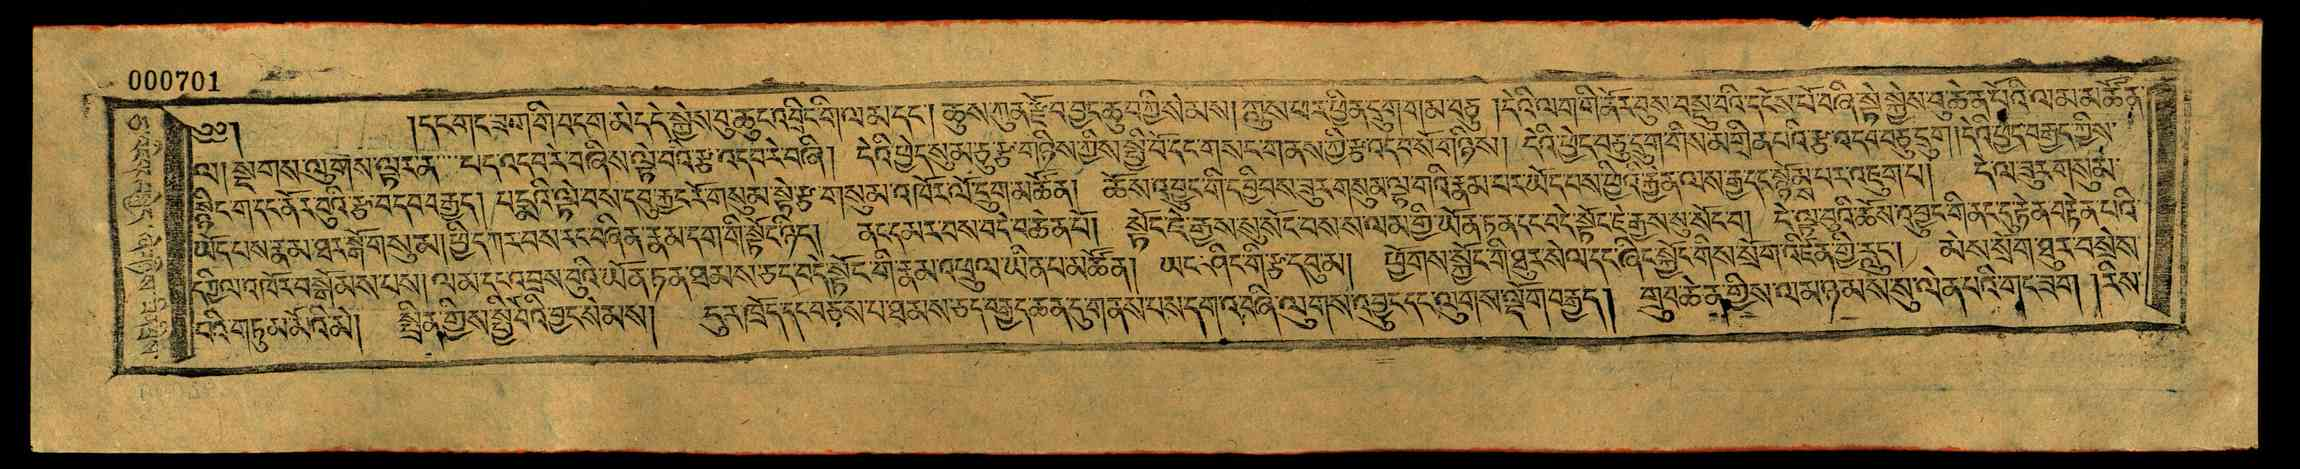༄༅། །དང་གང་ཟག་གི་བདག་མེད་དེ་སྐྱེས་བུ་ཆུང་འབྲིང་གི་ལམ་དང་། ཆུས་ཀུན་རྫོབ་བྱང་ཆུབ་ཀྱི་སེམས། ཀླུས་ཕར་ཕྱིན་དྲུག་གམ་བཅུ། དེའི་ལག་གི་ནོར་བུས་བསྡུ་བའི་དངོས་པོ་བཞི་སྟེ་སྐྱེས་བུ་ཆེན་པོའི་ལམ་མཚོན་
ལ༑ སྔགས་ལུགས་ལྟར་ན་པད་འདབ་རེ་བཞིས་ལྟེ་བའི་རྩ་འདབ་རེ་བཞི། དེའི་ཕྱེད་སུམ་ཅུ་རྩ་གཉིས་ཀྱིས་སྤྱི་བོ་དང་གསང་གནས་ཀྱི་རྩ་འདབ་སོ་གཉིས། དེའི་ཕྱེད་བཅུ་དྲུག་གིས་མགྲིན་པའི་རྩ་འདབ་བཅུ་དྲུག །དེའི་ཕྱེད་བརྒྱད་ཀྱིས་
སྙིང་ག་དང་ནོར་བུའི་རྩ་འདབ་བརྒྱད། པདམའི་ལྟེ་བས་དབུ་རྐྱང་རོ་གསུམ་སྟེ་རྩ་གསུམ་འཁོར་ལོ་དྲུག་མཚོན། ཆོས་འབྱུང་གི་དབྱིབས་ཟུར་གསུམ་བྷ་གའི་རྣམ་པར་ཡོད་པས་ཕྱིའི་རྐྱེན་ལས་རྒྱ་དང་སྙོམས་པར་འཇུག་པ། དེ་ལ་ཟུར་གསུམ་
ཡོད་པས་རྣམ་ཐར་སྒོ་གསུམ། ཕྱི་དཀར་བས་རང་བཞིན་རྣམ་དག་གི་སྟོང་ཉིད། ནང་དམར་བས་བདེ་བ་ཆེན་པོ། སྟོད་ཇེ་རྒྱས་སུ་སོང་བས་ས་ལམ་གྱི་ཡོན་ཏན་དང་བདེ་སྟོང་ཇེ་རྒྱས་སུ་སོང་བ། དེ་ལྟ་བུའི་ཆོས་འབྱུང་གི་ནང་དུ་རྟེན་བརྟེན་པའི་
དགྱིལ་འཁོར་བསྒོམས་པས། ལམ་དང་འབྲས་བུའི་ཡོན་ཏན་ཐམས་ཅད་བདེ་སྟོང་གི་རྣམ་འཕྲུལ་ཡིན་པ་མཚོན། ཡང་ཤིང་གི་རྩ་དབུ་མ། ཕྱོགས་སྐྱོང་གི་ཐུར་སེལ་དང་ཞིང་སྐྱོང་གིས་སྲོག་འཛིན་གྱི་རླུང་། མེས་སྲོག་ཐུར་བསྲེས་
པའི་གཏུམ་མོའི་མེ། སྤྲིན་གྱིས་སྤྱི་བོའི་བྱང་སེམས། དུར་ཁྲོད་དང་བཅས་པ་ཐམས་ཅད་བརྒྱད་ཚན་དུ་གནས་པས་དགའ་བཞི་ལུགས་འབྱུང་དང་ལུགས་ལྡོག་བརྒྱད། གྲུབ་ཆེན་གྱིས་ལམ་ཉམས་སུ་ལེན་པའི་གང་ཟག །རིས་